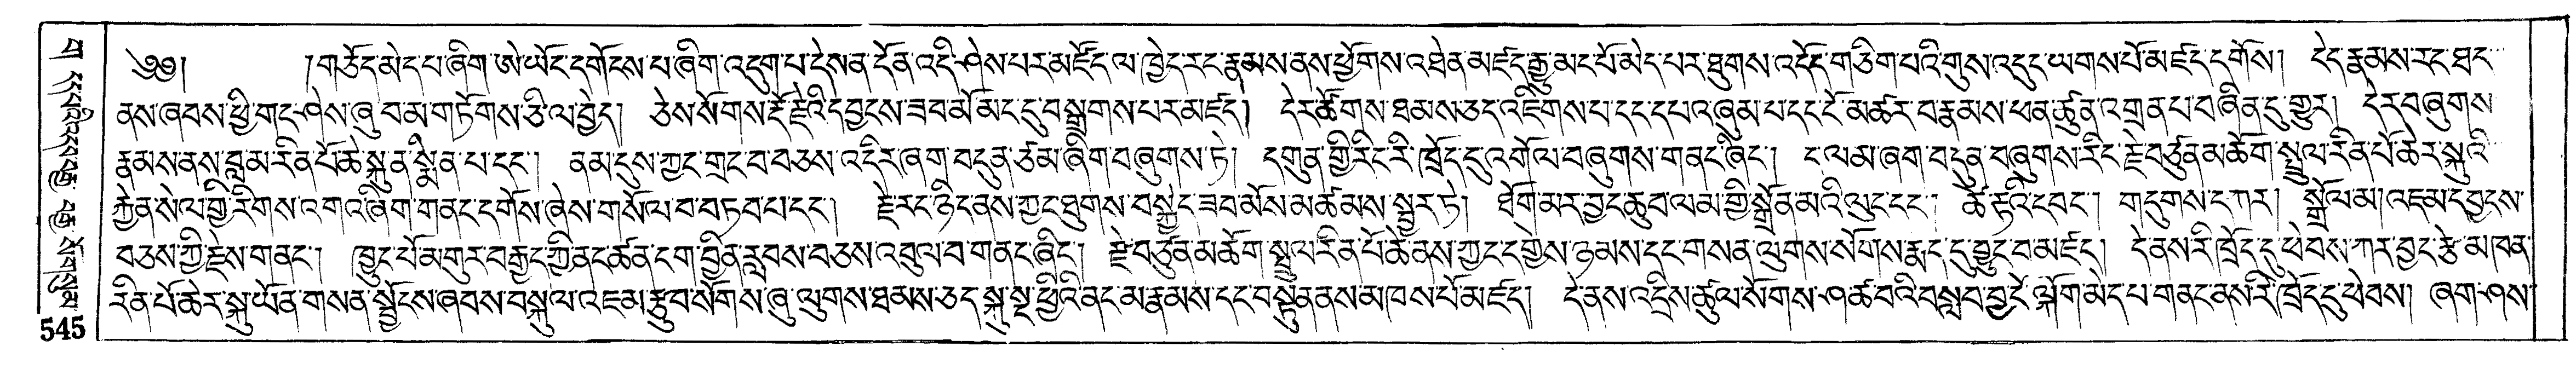༄༅། །གཅོད་མེད་པ་ཞིག་ཨེ་ཡོང་དགོངས་བ་ཞིག་འདུག་པ་དེས་ན་དོན་འདི་ཤེས་བར་མཛོད་ལ་ཁྱེད་རང་རྣམས་ནས་ཕྱོགས་འཐེན་མཛད་རྒྱུ་མང་པོ་མེད་བར་ཐུགས་འདོད་གཅིག་བའི་གུས་འདུད་ཡགས་པོ་མཛད་དགོས། ངེད་རྣམས་རང་ཐད་
ནས་ཞབས་ཕྱི་གང་ཤེས་ཞུ་བམ་གཏོགས་ཅི་ལ་བྱེད། ཅེས་སོགས་རྡོ་རྗེའི་དབྱངས་བ་མོ་མང་དུ་བསྒྲགས་པར་མཛད། དེར་ཚོགས་ཐམས་ཅད་འཇིགས་པ་དང་དཔའི་ཞུམ་པ་དང་ངོ་མཚར་བ་རྣམས་ཕན་ཚུན་འགྲན་པ་བཞིན་དུ་གྱུར། དེར་བཞུགས་
རྣམས་ནས་བླ་མ་རིན་པོ་ཆེ་སྐུན་སྨིན་པ་དང་། ནམ་དུས་ཀྱང་གྲང་བ་བཅས་འདིར་ཞག་བདུན་ཙམ་ཞིག་བཞུགས་ཏེ། དགུན་གྱི་རིང་རི་ཁྲོད་དུ་འགོལ་བཞུགས་གནང་ཞིང་། ང་ལམ་ཞག་བདུན་བཞུགས་རིང་རྗེ་བཙུན་མཆོག་སྤྲུལ་རིན་པོ་ཆེར་སྐུའི་
རྐྱེན་སེལ་གྱི་རིགས་འགའ་ཞིག་གནང་དགོས་ཞེས་གསོལ་བ་བཏབ་པ་དང་། རྗེ་རང་ཉིད་ནས་ཀྱང་ཐུགས་བསྐྱེད་ཟབ་མོས་མཚམས་སྦྱར་ཏེ། ཐོག་མར་བྱང་ཆུབ་ལམ་གྱི་སྒྲོན་མའི་ལུང་དང་། ཚེ་རྟའི་དབང་། གདུགས་དཀར། སྒྲོལ་མ། འཇམ་དབྱངས་
བཅས་ཀྱི་རྗེས་གནང་། ཁྱུང་པོ་མགུར་བརྒྱད་ཀྱི་ནང་ཚན་ངག་བྱིན་རླབས་བཅས་འབུལ་བ་གནང་ཞིང་། རྗེ་བཙུན་མཆོག་སྤྲུལ་རིན་པོ་ཆེ་ནས་ཀྱང་དགྱེས་ཉམས་དང་གསན་ལུགས་སོགས་རྨད་དུ་བྱུང་བ་མཛད། དེ་ནས་རིན་ཁྲོད་དུ་ཕེབས་ཀར་བྱང་རྩ་མཁན་
རིན་པོ་ཆེར་སྐུ་ཡོན་གསན་སྦྱོངས་ཞབས་བསྐུལ་འཇམ་རྩུབ་སོགས་ཞུ་ལུགས་ཐམས་ཅད་སྐུ་སྔ་ཕྱིའི་ནང་མ་རྣམས་དང་བསྟུན་ནས་མཁས་པོ་མཛད། དེ་ནས་འདྲིས་ཚུལ་སོགས་ཤ་ཚ་བའི་བསླབ་བྱ་ངོ་ལྐོག་མེད་པ་གནང་ནས་རི་ཁྲོད་དུ་ཕེབས། ཞག་ཤས་